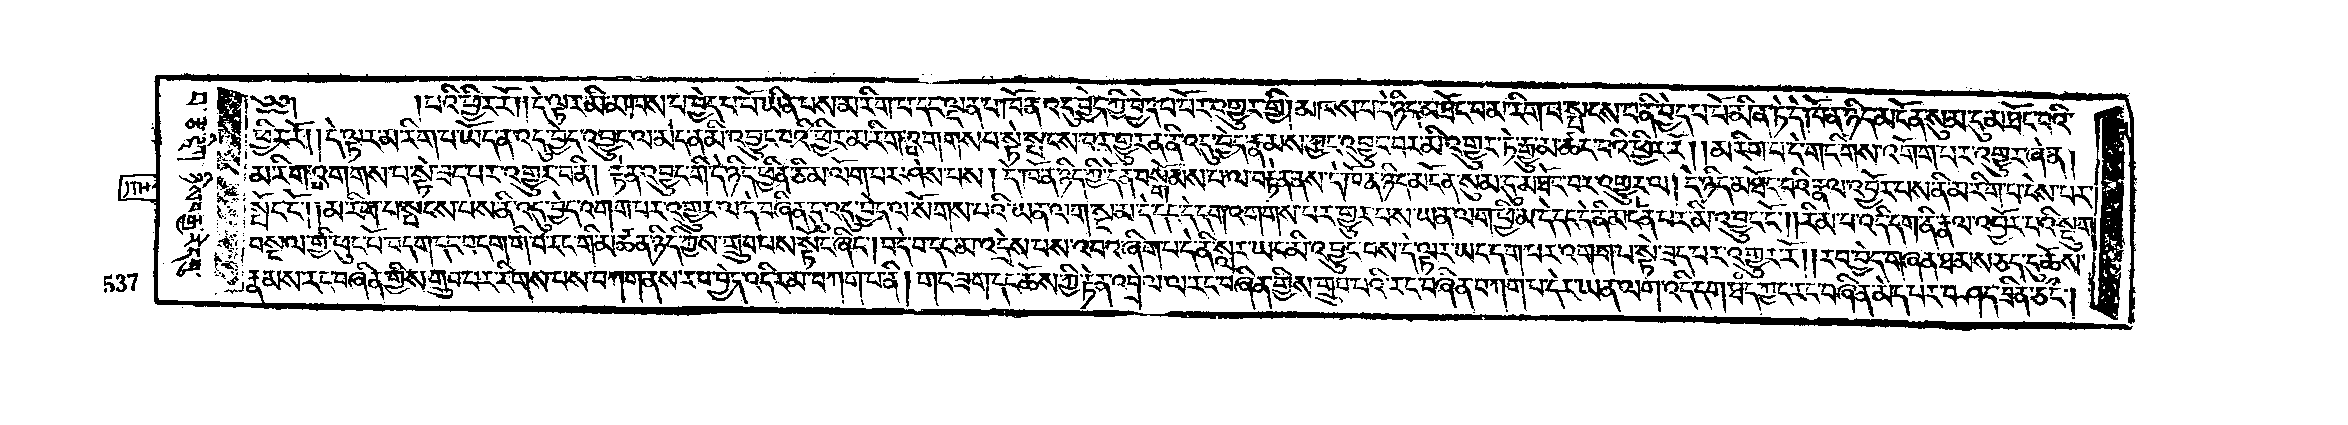༄༅། །པའི་ཕྱིར་རོ། །དེ་ལྟར་མི་མཁས་པ་བྱེ་དཔ་པོ་ཡིན་པས་མ་རིག་པ་དང་ལྡན་པ་ཁོ་ན་འདུ་བྱེད་ཀྱི་བྱེ་པ་པོར་འགྱུར་གྱི། མཁས་པ་དེ་ཉིད་མཐོང་བ་མ་རིག་པ་སྤངས་པ་ནི་བྱེ་པ་པོ་མིན་ཏེ་དེ་ཁོ་ན་ཉིད་མངོན་སུམ་དུ་མཐོང་བའི་
ཕྱིར་རོ། །དེ་ལྟར་མ་རིག་པ་ཡོད་ན་འདུ་བྱེད་འབྱུང་ལ་མེད་ན་མི་འབྱུང་བའི་ཕྱིར་མ་རིག་པ་འགགས་པ་སྟེ་སྤངས་པར་གྱུར་ན་ནི་འདུ་བྱེད་རྣམས་ཀྱང་འབྱུང་བར་མི་འགྱུར་ཏེ་རྒྱུ་མ་ཚང་པའི་ཕྱིར་རོ། །མ་རིག་པ་དེ་གང་གིས་འགོག་པར་འགྱུར་ཞེ་ན།
མ་རིག་པ་འགགས་པ་སྟེ་ཟད་པར་འགྱུར་པ་ནི། རྟེན་འབྱུང་གི་དེ་ཉིད་ཕྱིན་ཅི་མ་ལོག་པར་ཤེས་པས། དེ་ཁོ་ན་ཉིད་ཀྱི་དོན་བསྒོམ་ས་ལ་བརྟེན་ན་དེ་ཁོ་ན་ཉིད་མངོན་གསུམ་དུ་མཐོང་བར་འགྱུར་ལ། དེ་ཉིད་མཐོང་བའི་རྣལ་འབྱོར་པས་ནི་མ་རིག་པ་ངེས་པར་
སྤོང་ངོ། །མ་རིག་པ་སྤངས་པས་ནི་འདུ་བྱེད་འགག་པར་འགྱུར་ལ་དེ་བཞིན་དུ་འབྱེད་ལ་སོགས་པའི་ཡན་ལག་སྔ་མ་དེ་དག་དེ་དག་འགགས་པར་གྱུར་པས་ཡན་ལག་ཕྱི་མ་དེ་དང་དེ་ནི་མངོན་པར་མི་འབྱུང་ངོ། །རིམ་པ་འདི་དག་ནི་རྣལ་འབྱོར་པའི་སྡུག་
བསྔལ་གྱི་ཕུང་པོ་བདག་དང་བདག་གི་བ་རང་གི་མཚན་ཉིད་ཀྱིས་གྲུབ་པས་སྟོང་ཞིང་། བདེ་བ་དང་མ་འདྲེས་པས་འབའ་ཞིག་པ་དེ་ནི་སླར་ཡང་མི་འབྱུང་བས་དེ་ལྟར་ཡང་དག་པར་འགག་པ་སྟེ་ཟད་པར་འགྱུར་རོ། །རབ་བྱེད་གཞན་ཐམས་ཅད་དུ་ཆོས་
རྣམས་རང་བཞིན་གྱིས་གྲུབ་པར་རིགས་པས་བཀག་ནས་རབ་བྱེད་འདིར་མ་བཀག་པ་ནི། གང་དག་དང་ཆོས་ཀྱི་རྟེན་འབྲེལ་ལ་རང་བཞིན་གྱིས་གྲུབ་པའི་རང་བཞིན་བཀག་པ་དེར་ཡང་ལག་འདི་དག་ཐཾད་ཀྱང་རང་བཞིན་མེད་པར་བཤད་ཟིན་ཅྀང་།